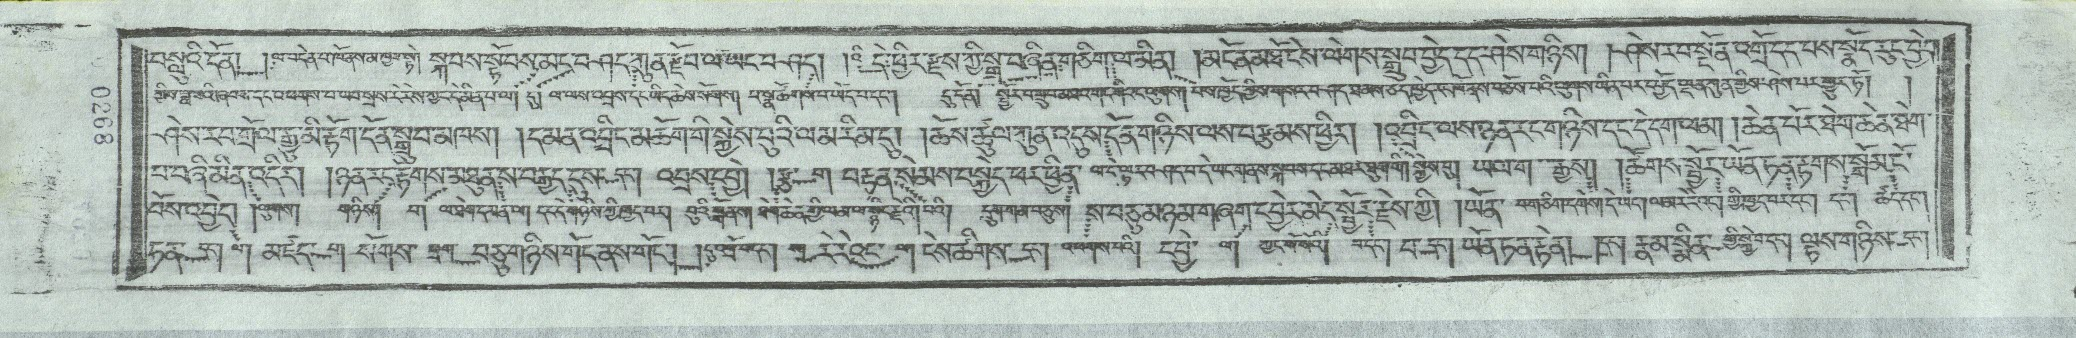བསླུའི་དོན། ལ་བདེན་པ་འོ་ན་ས་ཁྱབ་སྟེ། སྐབས་སྟོབས་མང་བཤད་ཀུན་རྫོབ་ལ་ཡང་བཤད། །འི་དེ་ཕྱིར་རྫས་ཀྱི་སྒྲ་བཞིན་གཅིག་ལ་མིན། མངོན་མཐོང་ལེགས་སྒྲུབ་བྱེད་དུད་ཤེས་གཉིས། །ཤེས་རབ་སྣོད་འགྲོ་དད་པས་སྣོད་དབྱེད་
ཀྱིས་ཟླ་པའི་ཞབས་དང་པ་ལགས་བ་ཡབ་སྲས་རེ་རེས་ཀྱང་དེ་མིན་པ་ལ། དུ་བ་ལས་འབྲས་དང་ཡིད་ཆེས་སོགས། །བ་སྣ་ཚོགས་པ་ཡོད་པ་དང་། དུ་དོན། སྦྱར་བགྲུབ་མཐའ་གང་གིའང་ལུགས། པས་ཁྱོད་ཀྱིས་གསར་བཤད་པས་མས་ཅད་ཁྱེད་པ་ཁོ་ནས་བཅོས་པའི་ལུགས་ཡིན་པར་དང་སྤྱོད་ལྡན་ཀུན་གྱིས་ཤེས་པར་གྱུར་ཏོ། །
ཤེས་རབ་གྲོལ་རྒྱུ་མི་རྟོག་དོན་སྒྲུབ་མཁས། །དམན་འབྲིང་མཆོག་གི་སྐྱེས་བུའི་ལམ་རིམ་དུ། །ཆོས་ཚུལ་ཀུན་འདུས་དོན་གཉིས་ལས་བརྩམས་ཕྱིར། །འབྲིང་ལས་ཉན་རང་གཉིས་དང་དེ་དག་ལམ། །ཆེན་པོར་ཐེག་ཆེན་ཐོག་
པ་བཞི་མིན་འདིར། །ཉན་རང་རྟོགས་མཐུན་ས་བརྒྱད་དུས་དང་། འབྲས་དབྱེ། །རྩ་བ། བརྟན་སེམས་བསྐྱེད་པར་ཕྱིན་བ་དེ་ལྟར་བཤད་པ་དེ་ཡང་གནས་སྐབས་དང་མཐར་ཐུག་གི། སྐྱེས་བུ། །ཡལ་བ། རྒྱས། །ཚོགས་སྦྱོར་ཡིན་ཏན་རྟགས་སྒོམ་ངོ་
པོས་འབྱེད། །ཕུགས། གྱིས། པ། ལ་ཐེག་དམན་ལ། དང་དེ་གཉིས་ཀྱི་ཁྱད་པར། བུའི་སྒོ་ནས། ཐེག་ཆེན་གྱིས་ལམ་ལ་སྙིང་རྗེའི་བའི། དྲུགས་བཅུས། ས་བཅུ་མཉམ་བཞག་དབྱེར་མེད་སྦྱོར་རྗེས་ཀྱི། །ཡོན་པ་གཅིག་དགེ་བ། དེ་ཡང་། ལམ་རེ་རེའང་། གྱི་ཁྱད་བར་དང་། །དང་ཚད་དང་།
ཏན་པར། སེ། མཛད་བ། སོགས་??བཅུ་གཉིས་གོད་ནས་གོང་། །དུ་འགྲོས་དང་། ས་རེ་རེའང་། ལ། ངེས་ཚིགས་དང་། འཕགས་པའི། དབྱེ་ལ། ཀྱང་བོ་མོའི། པ་དང་། པ་དང་། ཡོན་ཏན་རྟེན། །དང་རྣམ་སྨིན་གྱི་སྐྱེས་དན། ལྟས་གཉིས་དང་།